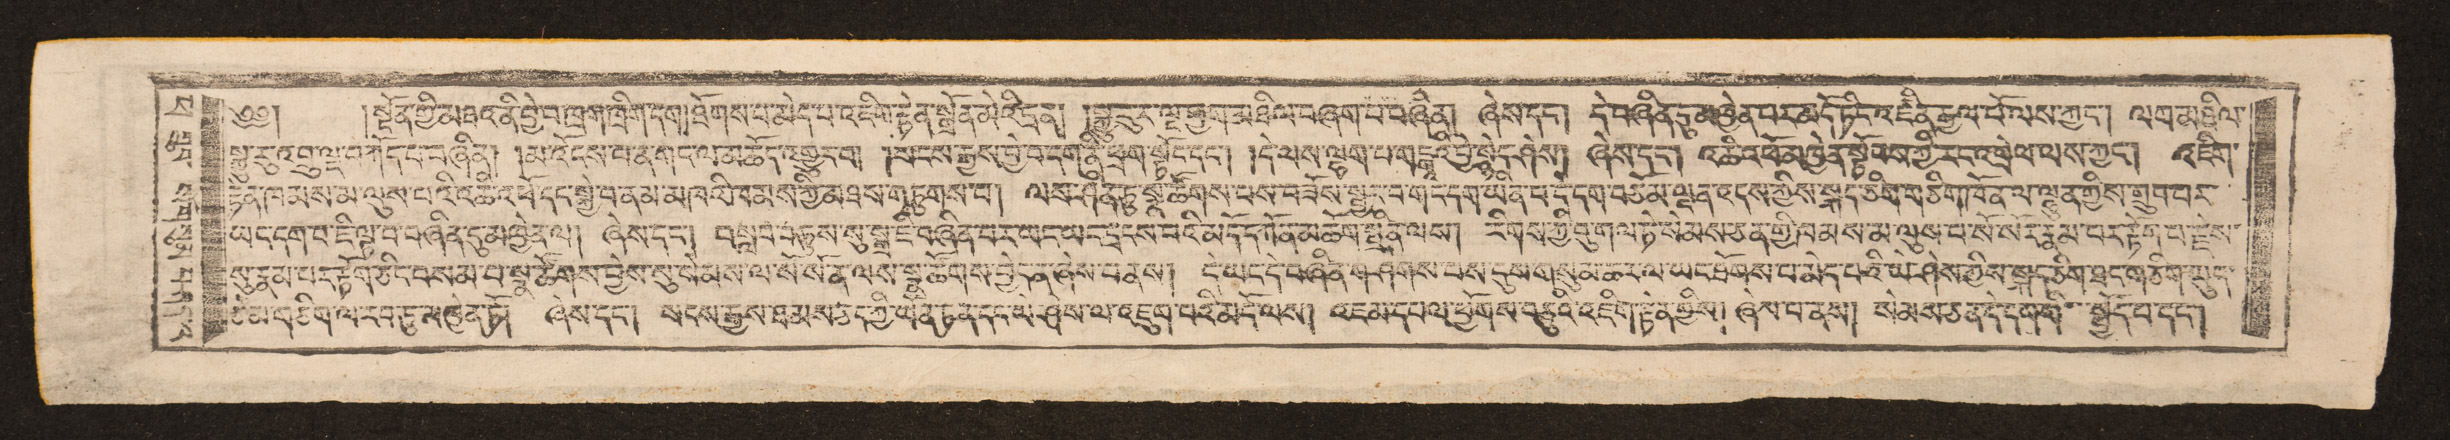༄༅། །སྔོན་གྱི་མཐའ་ནི་བྱེ་བ་ཁྲག་ཁྲིག་དག། ཐོགས་པ་མེད་པ་འཇིག་རྟེན་སྒྲོན་མེའི་དྲན། །སྐྱུ་རུར་ལྔ་ཕྱག་མཐིལ་བཞག་པ་བཞིན། ཞེས་དང་། དེ་བཞིན་དུ་མཁྱེན་པར་མདོ་ཏིང་འཛིན་རྒྱལ་པོ་ལས་ཀྱང་། ལག་མཐིལ་
སྐྱུ་རུ་འབྲུ་ལྔ་བཀོད་བ་བཞིན། །མ་འོངས་པ་ན་གང་ལ་མཆོད་འགྱུར་བ། །སངས་རྒྱས་བྱེ་བ་དག་ནི་ཕྲག་སྟོང་དང་། །དེ་ལས་ལྷག་པ་གངྒཱའི་བྱེ་སྙེད་ཤེས། ཞེས་དང་། འཆི་འཕོ་མཁྱེན་སྟོབས་ཀྱི་རང་འགྲེལ་ལས་ཀྱང་། འཇིག་
རྟེན་ཁམས་མ་ལུས་བའི་འཆི་འཕོ་དང་སྐྱེ་ང་ནམ་མཁའི་ཁམས་ཀྱི་མཐས་གཏུགས་པ། ལས་ཤིན་ཏུ་སྣ་ཚོགས་པས་བཟོས་སྦྱར་བ་གང་དག་ཡིན་པ་དེ་དག་བཅོམ་ལྡན་འདས་ཀྱིས་སྐད་ཅིག་གཅིག་ཁོ་ན་ལ་ལྷུན་གྱིས་གྲུང་པར་
ཡང་དག་པ་ཇི་ལྟ་བ་བཞིན་དུ་མཁྱེན་ལ། ཞེས་དང་། བསླབ་བཏུས་སུ་སྒྲ་ཇི་བཞིན་པར་ཡང་ཡང་དྲངས་པའི་མདོ་དཀོན་མཆོག་སྤྲིན་ལས། རིགས་ཀྱི་བུ་གལ་ཏེ་སེམས་ཅན་གྱི་ཁམས་མ་ལུས་པ་སོ་སོར་རྣམ་པར་རྟོག་པ་རྗེས་
སུ་རྣམ་པར་རྟོག་ཅིང་བསམ་བ་སྣ་ཚོགས་བྱེས་སུ་སེམས་ལ་སོ་སོ་ན་ལས་སྣ་ཚོགས་བྱེད་ན་ཞེས་བ་ནས། དེ་ཡང་དེ་བཞིན་གཤེགས་པས་དུས་གསུམ་ཆར་ལ་ཡང་ཐོགས་པ་མེད་པའི་ཡེ་ཤེས་ཀྱིས་སྐད་ཅིག་ཐང་གཅིག་ཡུད་
ཙམ་གཅིག་ལ་རབ་ཏུ་མཁྱེན་ཏོ། ཞེས་དང་། སངས་རྒྱས་ཐམས་ཅད་ཀྱི་ཡོན་ཏན་དང་ཡེ་ཤེས་ལ་འཇུག་པའི་མདོ་ལས། འཇམ་དཔལ་ཕྱོགས་བཅུའི་འཇིག་རྟེན་གྱིས། ཞེས་པ་ནས། སེམས་ཅན་དེ་དག་གི་སྤྱོད་པ་དང་།